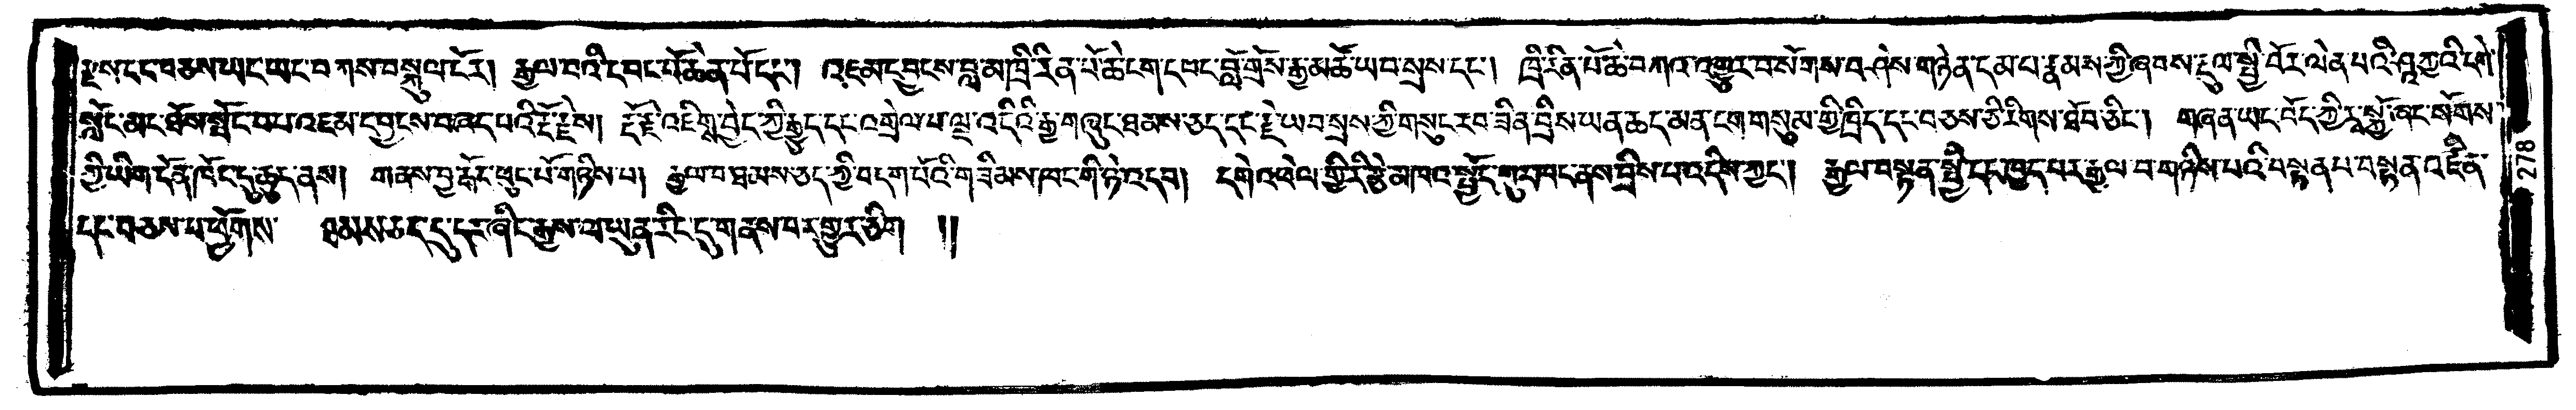རྫས་དང་བཅས་ཡང་ཡང་བཀས་བསྐུལ་ངོར། རྒྱལ་བའི་དབང་པོ་ཆེན་པོ་དང་། འཇམ་དབྱངས་བླ་མ་ཁྲི་རིན་པོ་ཆེ་ངག་དབང་བློ་གྲོས་རྒྱ་མཚོ་ཡབ་སྲས་དང་། ཁྲི་རིན་པོ་ཆེ་བཀའ་འགྱུར་བ་སོགས་བཤེས་གཉེན་དམ་པ་རྣམས་ཀྱི་ཞབས་རྡུལ་སྤྱི་བོར་ལེན་པའི་ཤཱཀྱའི་དགེ་
སློང་མང་ཐོས་སྤོང་བ་པ་འཇམ་དབྱངས་བཞད་པའི་རྡོ་རྗེས། རྡོ་རྗེ་འཇིགས་བྱེད་ཀྱི་རྒྱུད་དང་འགྲེལ་པ་ལྔ་འདིའི་རྒྱ་གཞུང་ཐམས་ཅད་དང་རྗེ་ཡབ་སྲས་ཀྱི་གསུང་རབ་ཟིན་བྲིས་ཡན་ཆད་མན་ངག་གསུམ་གྱི་ཁྲིད་དང་བཅས་ཅི་རིགས་ཐོབ་ཅིང་། གཞན་ཡང་བོད་ཀྱི་རྭ་སྐྱོ་ཞང་སོགས་
ཀྱི་ཡིག་དོན་ཁོང་དུ་ཆུད་ནས། གནས་བྱ་རྒོད་ཕུང་པོ་གཉིས་པ། རྒྱལ་བ་ཐམས་ཅད་ཀྱི་བདག་པོའི་གཟིམས་ཁང་གི་ཉེ་འདབ། དགེ་འཕེལ་གྱི་རི་རྩེ་མཁའ་སྤྱོད་གུར་ཁང་ནས་བྲིས་བ་འདིས་ཀྱང་། རྒྱལ་བསྟན་སྤྱི་དང་ཁྱད་པར་རྒྱལ་བ་གཉིས་པའི་བསྟན་པ་བསྟན་འཛིན་
དང་བཅས་པ་ཕྱོགས་ཐམས་ཅད་དུ་དར་ཞིང་རྒྱས་ལ་ཡུན་རིང་དུ་གནས་པར་གྱུར་ཅིག །།